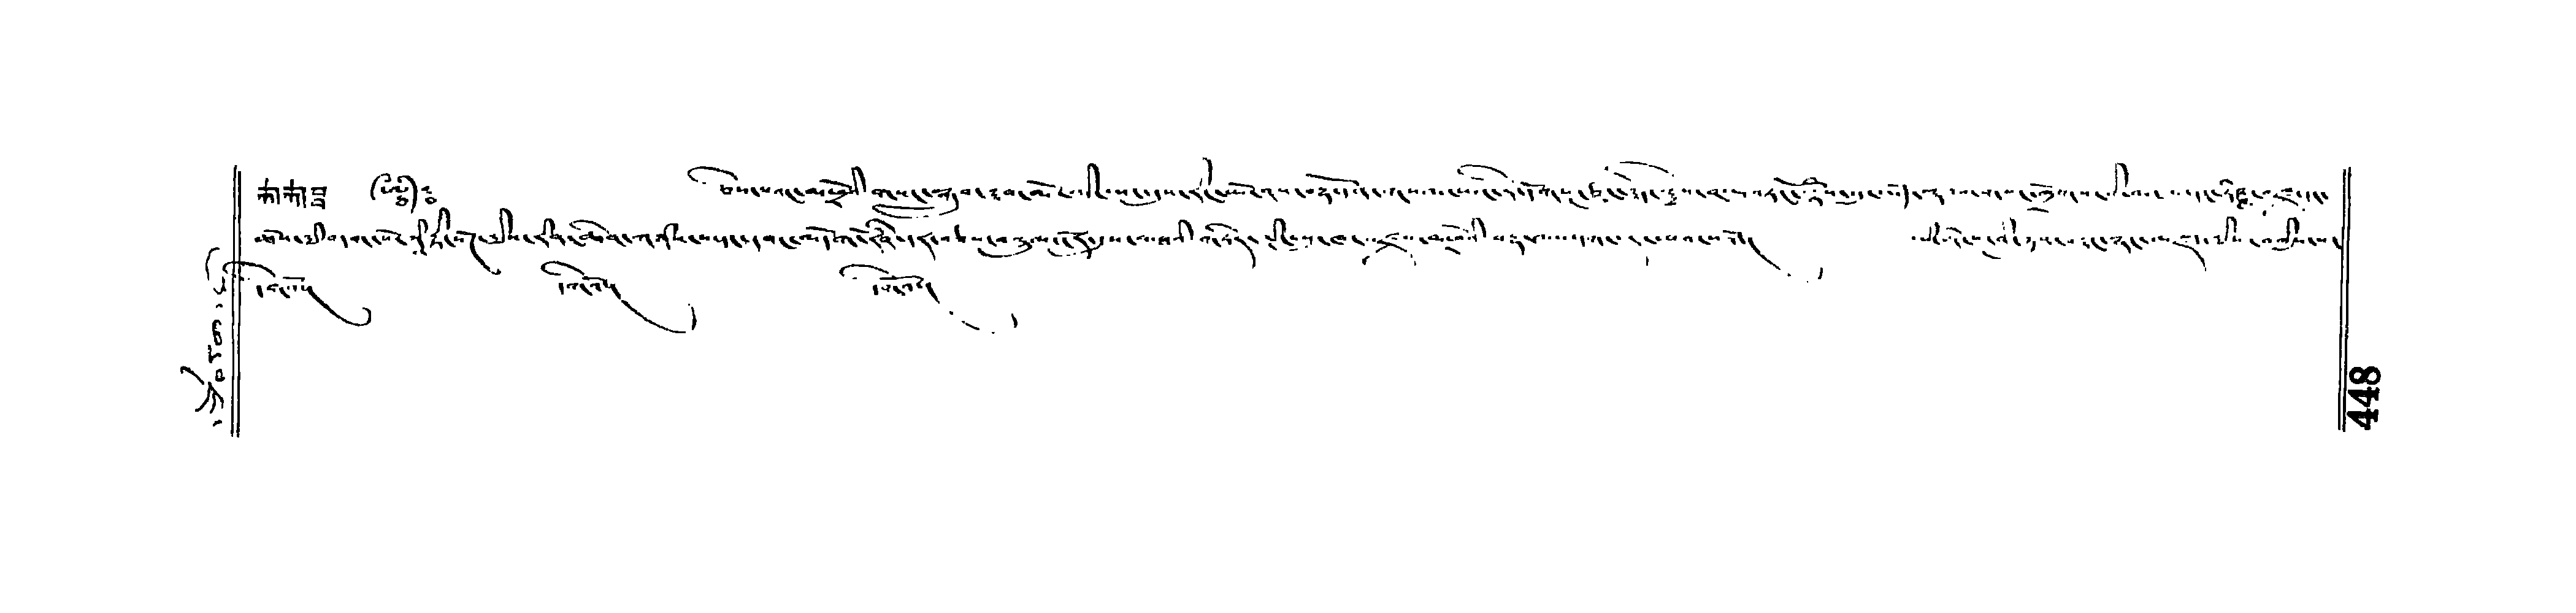ཅེས་པའང་མཁའ་འགྲོའི་གསང་སྒྲུབ་ཟབ་མོ་འདི་ཡང་དུས་རིང་མོ་ནས་བརྡ་དོན་གསལ་ཡང་རེ་དོགས་ཅུང་ཟད་སྐྱེས་ནས་བཏང་སྙོམས་སུ་ཡོད་སྐབས་གསང་གྲོགས་བཱི་མ་ལ་དང་ཏིཥྛ་བཛྲ། 
ཆོས་ཀྱི་བདག་པོ་ཀཱིརྟི་སོགས་ཀྱིས་རིན་ཆེན་གཉིས་པ་དང་དབང་མདོག་རིན་པོ་ཆེའི་དར་བཅས་བསྐུལ་ངོར་དུས་མཐའི་གཏེར་མིང་སུ་ཁ་བཛྲས་མཁའ་འགྲོའི་བརྡ་ལས་དག་པར་ཕབ་པའོ།། ཡི་གེ་པ་ནི་ཀུན་བཟང་སྣང་མཛད་ཀྱིས་བགྱིས་པ་
དགེའོ།། དགེའོ།། དགེའོ།།